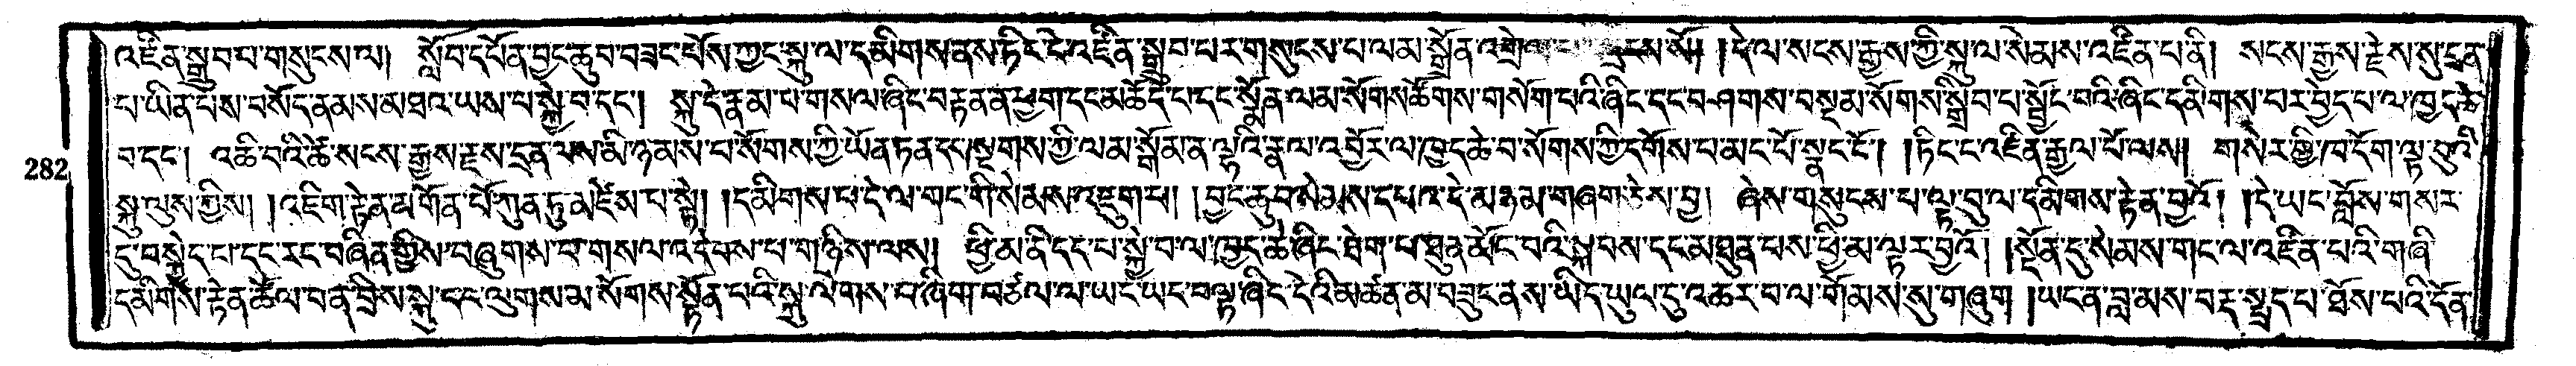འཛིན་སྒྲུབ་པ་གསུངས་ལ། སློབ་དཔོན་བྱང་ཆུབ་བཟང་པོས་ཀྱང་སྐུ་ལ་དམིགས་ནས་ཏིང་ངེ་འཛིན་སྒྲུབ་པར་གསུངས་པ་ལམ་སྒྲོན་འགྲེལ་པ་དྲངས་སོ། །དེ་ལ་སངས་རྒྱས་ཀྱི་སྐུ་ལ་སེམས་འཛིན་པ་ནི། སངས་རྒྱས་རྗེས་སུ་དྲན་
པ་ཡིན་པས་བསོད་ནམས་མཐའ་ཡས་པ་སྐྱེ་བ་དང་། སྐུ་དེ་རྣམ་པ་གསལ་ཞིང་བརྟན་ན་ཕྱག་དང་མཆོད་པ་དང་སྨོན་ལམ་སོགས་ཚོགས་གསོག་པའི་ཞིང་དང་བཤགས་བསྡམ་སོགས་སྒྲིབ་པ་སྦྱོང་བའི་ཞིང་དམིགས་པར་བྱེད་པ་ལ་ཁྱད་ཆེ་
བ་དང་། འཆི་བའི་ཚེ་སངས་རྒྱས་རྗས་དྲན་ལས་མི་ཉམས་པ་སོགས་ཀྱི་ཡོན་ཏན་དང་། སྔགས་ཀྱི་ལམ་སྒོམ་ན་ལྷའི་རྣལ་འབྱོར་ལ་ཁྱད་ཆེ་བ་སོགས་ཀྱི་དགོས་པ་མང་པོ་སྣང་ངོ། །ཏིང་ང་འཛིན་རྒྱལ་པོ་ལས། གསེར་གྱི་ཁ་དོག་ལྟ་བུའི་
སྐུ་ལུས་ཀྱིས། །འཇིག་རྟེན་མགོན་པོ་ཀུན་ཏུ་མཛེས་པ་སྟེ། །དམིགས་པ་དེ་ལ་གང་གི་སེམས་འཇུག་པ། །བྱང་ཆུབ་སེམས་དཔའ་དེ་མཉམ་གཞག་ཅེས་བྱ། ཞེས་གསུངས་པ་ལྟ་བུ་ལ་དམིགས་རྟེན་བྱའོ། །དེ་ཡང་བློས་གསར་
དུ་བསྐྱེད་པ་དང་རང་བཞིན་གྱིས་བཞུགས་པ་གསལ་འདེབས་པ་གཉིས་ལས། ཕྱི་མ་ནི་དད་པ་སྐྱེ་བ་ལ་ཁྱད་ཆེ་ཞིང་ཐེག་པ་ཐུན་མོང་བའི་སྐབས་དང་མཐུན་པས་ཕྱི་མ་ལྟར་བྱའོ། སྔོན་དུ་སེམས་གང་ལ་འཛིན་པའི་གཞི་
དམིགས་རྟེན་ཚོལ་བ་ན་བྲིས་སྐུ་དང་ལུགས་མ་སོགས་སྟོན་པའི་སྐུ་ལེགས་བ་ཞིག་བཙལ་ལ་ཡང་ཡང་བལྟ་ཞིང་དེའི་མཚན་མ་བཟུང་ནས་ཡིད་ཡུལ་དུ་འཆར་བ་ལ་གོམས་སུ་གཞུག །ཡང་ན་བླ་མས་བརྡ་སྤྲད་པ་ཐོས་པའི་དོན་